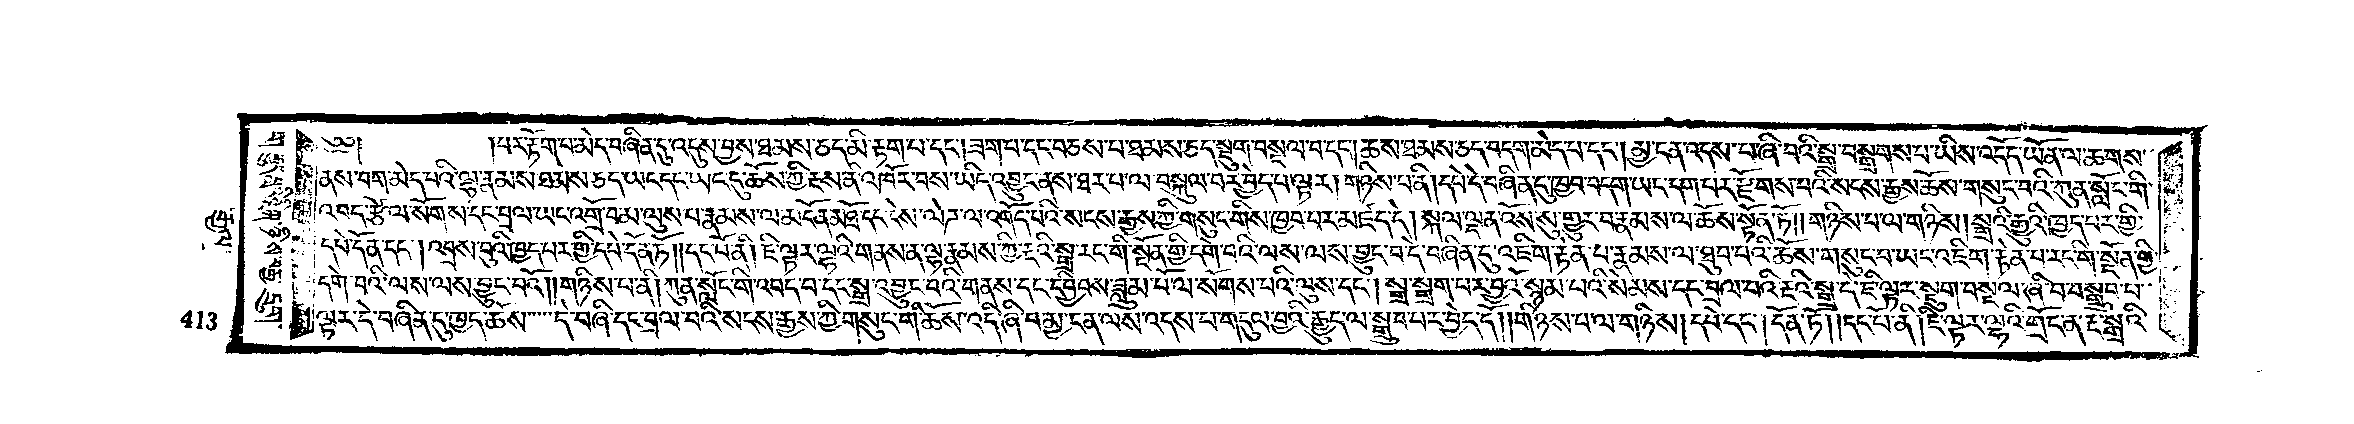༄༅། །པར་རྟོག་པ་མེད་བཞིན་དུ་འདུས་བྱས་ཐམས་ཅད་མི་རྟག་པ་དང་། ཟག་པ་དང་བཅས་པ་ཐམས་ཅད་སྡུག་བསྔལ་བ་དང་། ཆས་ཐམས་ཅད་བདག་མེད་པ་དང་། མྱ་ངན་འདས་པ་ཞི་བའི་སྒྲ་བསྒྲགས་པ་ཡིས་འདོད་ཡོན་ལ་ཆགས་
ནས་བག་མེད་པའི་ལྷ་རྣམས་ཐམས་ཅད་ཡང་དང་ཡང་དུ་ཆོས་ཀྱི་རྔས་ནི་འཁོར་བས་ཡིད་འབྱུང་ནས་ཐར་པ་ལ་བསྐུལ་བར་བྱེད་པ་ལྟར། གཉིས་པ་ནི། དཔེ་དེ་བཞིན་དུ་ཁྱབ་བདག་ཡང་དག་པར་རྫོགས་པའི་སངས་རྒྱས་ཆོས་གསུང་བའི་ཀུན་སློང་གི་
འབད་རྩེ་ལ་སོགས་དང་བྲལ་ཡང་འགྲོ་བ་མ་ལུས་པ་རྣམས་ལ་མངོན་མཐོ་དང་ངེས་ལེགས་ལ་འགོད་པའི་སངས་རྒྱས་ཀྱི་གསུང་གིས་ཁྱབ་པར་མཛད་དེ། སྐལ་ལྡན་འོས་སུ་གྱུར་བ་རྣམས་ལ་ཆོས་སྟོན་ཏོ། །གཉིས་པ་ལ་གཉིས། སྒྲའི་རྒྱུའི་ཁྱད་པར་གྱི་
དཔེ་དོན་དང་། འབྲས་བུའི་ཁྱད་པར་གྱི་དཔེ་དོན་ཏོ། །དང་པོ་ནི། ཇི་ལྟར་ལྷའི་གནས་ན་ལྷ་རྣམས་ཀྱི་རྔའི་སྒྲ་རང་གི་སྔོན་གྱི་དགེ་བའི་ལས་ལས་བྱུང་བ་དེ་བཞིན་དུ་འཇིག་རྟེན་པ་རྣམས་ལ་ཐུབ་པའི་ཆོས་གསུང་པ་ཡང་འཇིག་རྟེན་པ་རང་གི་སྔོན་གྱི་
དགེ་བའི་ལས་ལས་བྱུང་བའོ། །གཉིས་པ་ནི། ཀུན་སློང་གི་འབད་བ་དང་སྒྲ་འབྱུང་བའི་གནས་དང་དབྱིབས་ཟླུམ་པོ་ལ་སོགས་པའི་ལུས་དང་། སྒྲ་སྒྲག་པར་བྱའོ་སྙམ་པའི་སེམས་དང་བྲལ་བའི་རྔའི་སྒྲ་དེ་ཇི་ལྟར་སྡུག་བསྔལ་ཞི་བ་བསྒྲུབ་པ་
ལྟར་དེ་བཞིན་དུ་ཁྱད་ཆོས་དེ་བཞི་དང་བྲལ་བའི་སངས་རྒྱས་ཀྱི་གསུང་གི་ཆོས་འདི་ཞི་བ་མྱ་ངན་ལས་འདས་པ་གདུལ་བྱའི་རྒྱུད་ལ་སྒྲུབ་པར་བྱེད་དོ། །གཉིས་པ་ལ་གཉིས། དཔེ་དང་། དོན་ཏོ། །དང་པོ་ནི། ཇི་ལྟར་ལྷའི་གྲོང་ན་རྔ་སྒྲའི་